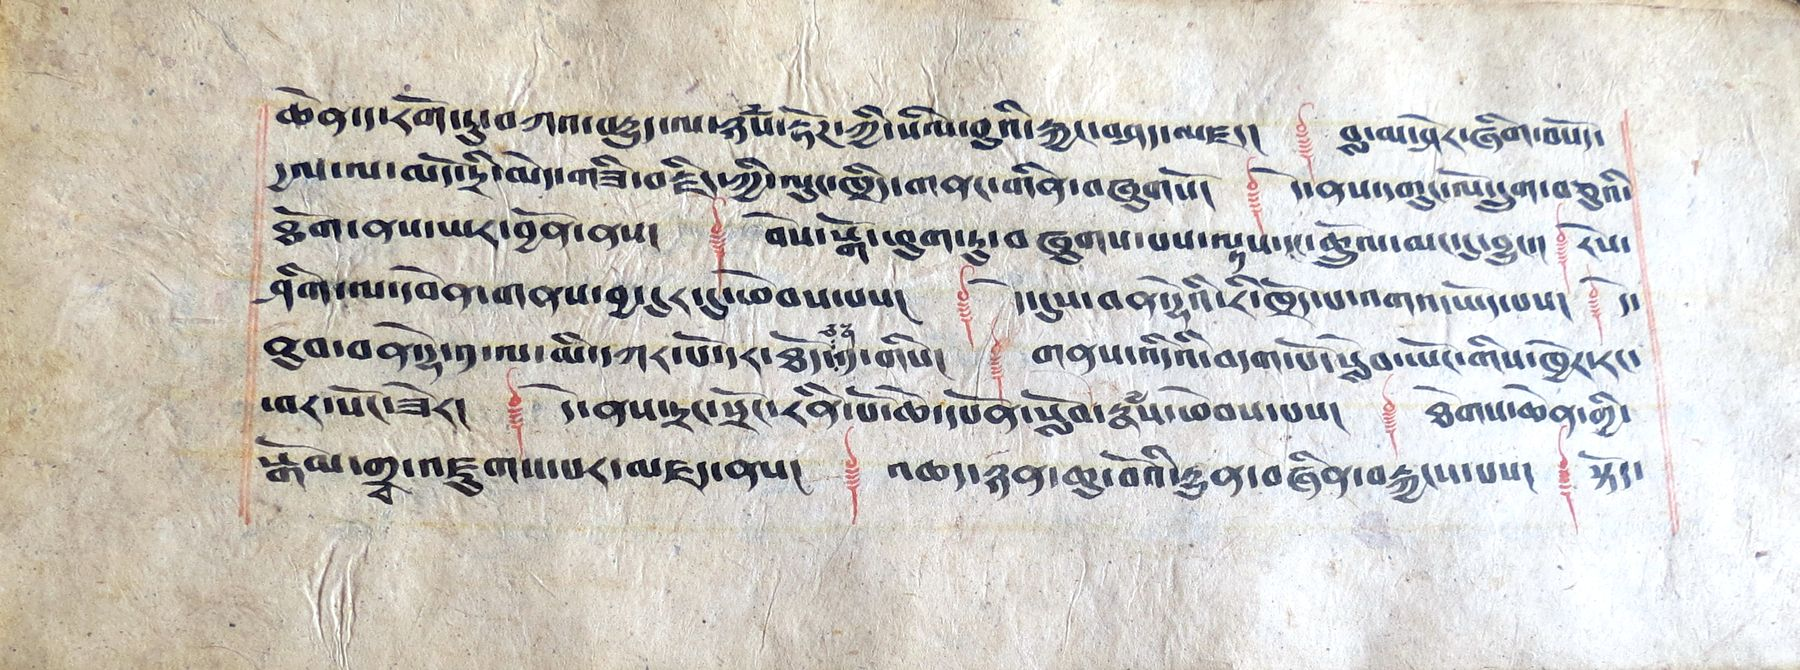ཆེན་ད་རོག་ཏུ་བཀའ་བརྒྱུད་ལ་ཉམས་རྟོགས་ཀྱི་སིལ་བུའི་རྐྱང་བཤད་མཛད། བླ་མ་ཤེལ་ཞིག་བསོད་
རྒྱལ་ལ་མདོ་དྲི་མེད་གཟི་བརྗིད་ཀྱི་ལུང་ཁྲིད་གནང་གིན་བཞུགས་སོ། ། དེ་ནས་དགུང་ལོ་དྲུག་ཅུའི་
ཐོག་ནས་ཡར་བྱོན་ནས་བསེ་སྒོ་ཕུག་ཏུ་བྱོན་ནས་ལྟས་དང་ཆོ་འཕྲུལ་མང་དུ་བྱུང་། རེས་
ཤིག་ལ་དབེན་གནས་བྱ་དུར་དུ་ཕེབས་པས། དེ་དུས་བན་དྷེའི་རི་ཁྲོད་པ་འགའ་ཡོད་པས། དེ་
ནུབ་བན་དྷེ་གཅིག་ལ་མི་དཀར་པོ་དར་ཐོད་ཅན་ཅིག་གིས། གནས་འདིའི་བདག་པོ་སླེབས་ཡོང་གིས་ཁྱེད་རང་
ཕར་སོང་ཟེར། དེ་ནས་དྲང་སྲོང་རིན་པོ་ཆེ་དཔོན་སློབ་རྣམས་ཕེབས་པས། ཐེག་ཆེན་གྱི་
སྒོམ་གྲྭ་འཛུགས་པར་མཛད་ནས། འཆད་ཉན་ཆུ་བོའི་རྒྱུན་བཞིན་བསྐྱངས་པས། སྟོད་